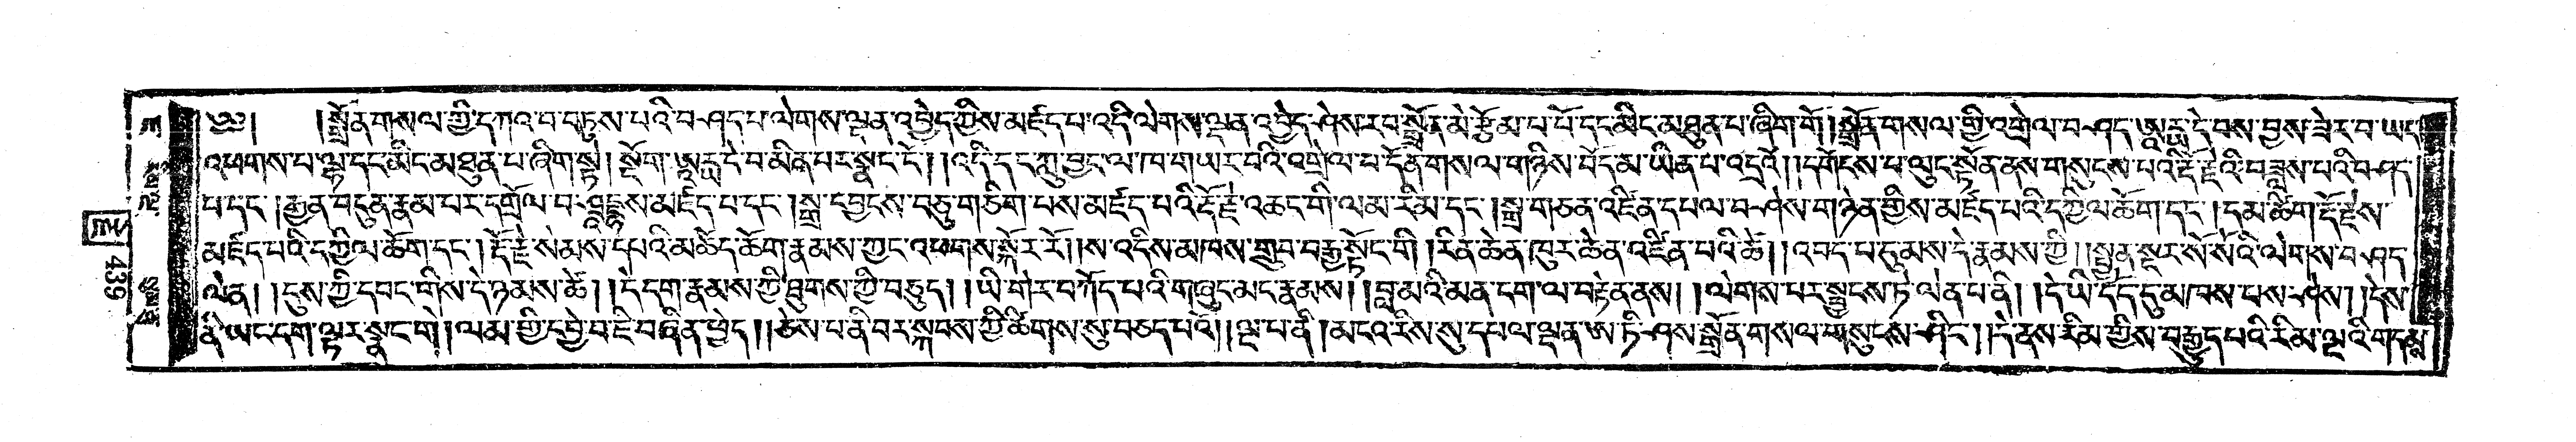༄༅། །སྒྲོན་གསལ་གྱི་དཀའ་བ་བཏུས་པའི་བཤད་པ་ལེགས་ལྡན་འབྱེད་ཀྱིས་མཛད་པ་འདི་ལེགས་ལྡན་འབྱེད་ཤེས་རབ་སྒྲོན་མེ་རྩོམ་པ་པོ་དང་མིང་མཐུན་པ་ཞིག་གོ །སྒྲོན་གསལ་གྱི་འགྲེལ་བཤད་ཨཱརྱ་དེ་བས་བྱས་ཟེར་བ་ཡང་
འཕགས་པ་ལྷ་དང་མིང་མཐུན་པ་ཞིག་སྟེ། སྡོག་ཨཱརྱ་དེ་བ་མིན་པར་སྣང་ངོ། །འདི་དང་ཀླུ་བྱང་ལ་ཁ་གཡར་བའི་འགྲེལ་པ་དོན་གསལ་གཉིས་བོད་མ་ཡིན་པ་འདྲའོ། །དགོངས་པ་ལུང་སྟོན་ནས་གསུངས་པའི་རྡོ་རྗེའི་བཟླས་པའི་བཤད་
པ་དང་། རྒྱན་བདུན་རྣམ་པར་དགྲོལ་བ་ཤྲཱདྡྷས་མཛད་པ་དང་། སྒྲ་དབྱངས་བཅུ་གཅིག་པས་མཛད་པའི་རྡོ་རྗེ་འཆང་གི་ལམ་རིམ་དང་། སྒྲ་གཅན་འཛིན་དཔལ་བཤེས་གཉེན་གྱིས་མཛད་པའི་དཀྱིལ་ཆོག་དང་། དམ་ཚིག་རྡོ་རྗེས་
མཛད་པའི་དཀྱིལ་ཆོག་དང་། རྡོ་རྗེ་སེམས་དཔའི་མཆོད་ཆོག་རྣམས་ཀྱང་འཕགས་སྐོར་རོ། །ས་འདིས་མཁས་གྲུབ་བརྒྱ་སྟོང་གི །རིན་ཆེན་ཁུར་ཆེན་འཛིན་པའི་ཚེ། །འབད་པ་དུ་མས་དེ་རྣམས་ཀྱི། །སྤྱན་སྔར་སོ་སོའི་ལེགས་བཤད་
ལེན༑ ༑དུས་ཀྱི་དབང་གིས་དེ་ཉམས་ཚེ། །དེ་དག་རྣམས་ཀྱི་ཐུགས་ཀྱི་བཅུད། །ཡི་གེར་བཀོད་པའི་གཞུང་མང་རྣམས། །བླ་མའི་མན་ངག་ལ་བརྟེན་ནས། །ལེགས་པར་སྦྱངས་ཏེ་ལེན་པ་ནི། །དེ་ཡི་དོད་དུ་མཁས་པས་ཤེས། །དེས་
ནི་ཡང་དག་ལྟར་སྣང་གི །ལམ་གྱི་དབྱེ་བ་ཇི་བཞིན་ཕྱེད། །ཅེས་པ་ནི་བར་སྐབས་ཀྱི་ཚིགས་སུ་བཅད་པའོ། །ལྔ་པ་ནི། མངའ་རིས་སུ་དཔལ་ལྡན་ཨ་ཏི་ཤས་སྒྲོན་གསལ་གསུངས་ཤིང་། །དེ་ནས་རིམ་གྱིས་བརྒྱུད་པའི་རིམ་ལྔའི་གདམས་